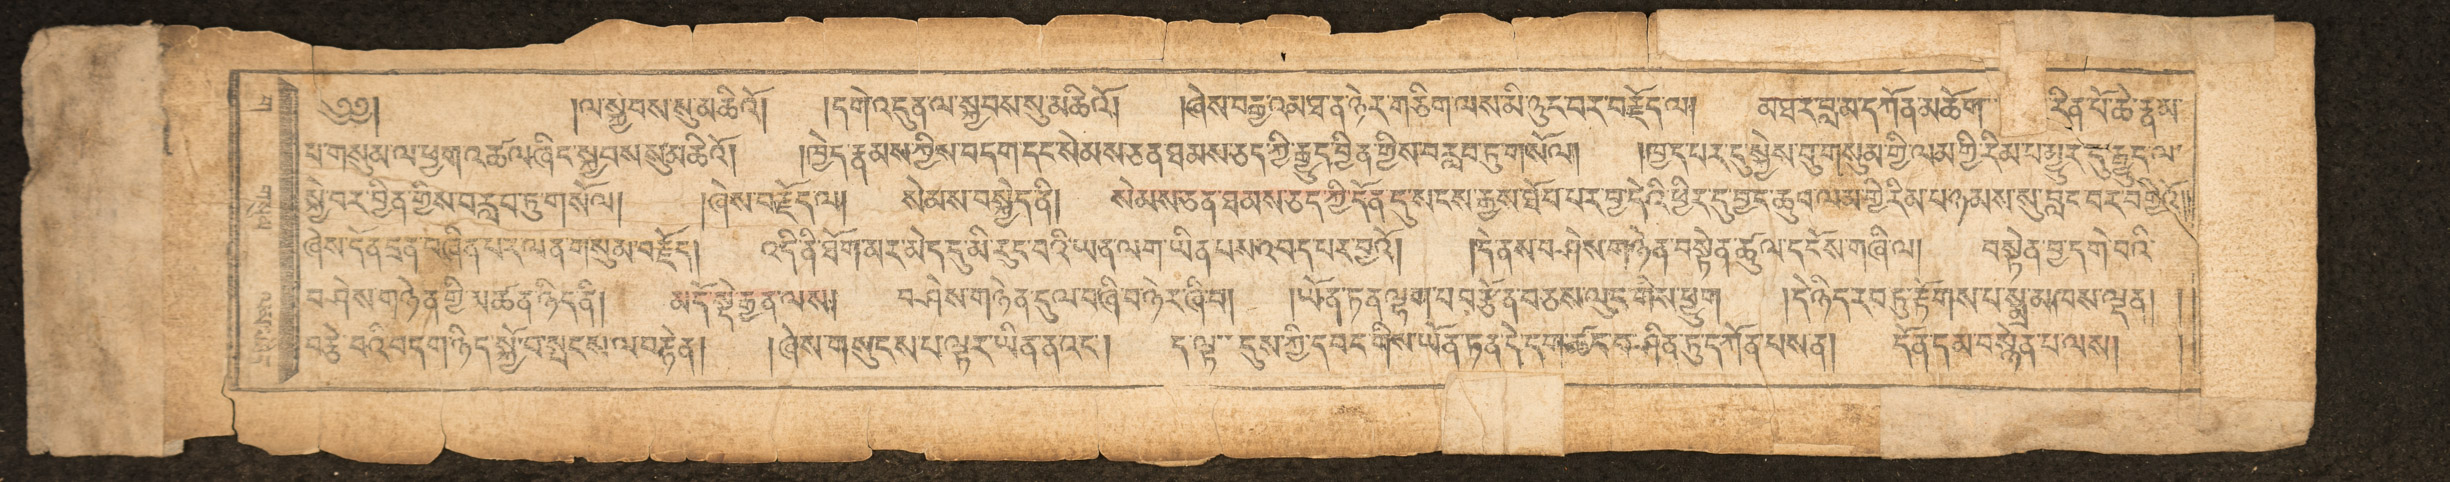༄༅། །ལ་སྐྱབས་སུ་མཆིའོ། །དགེ་འདུན་ལ་སྐྱབས་སུ་མཆིའོ། །ཞེས་བརྒྱ་འམ་ཐ་ན་ཉེར་གཅིག་ལས་མི་ཉུང་བར་བརྗོད་ལ། མཐའ་བླ་མ་དཀོན་མཆོག་རིན་པོ་ཆེ་རྣམ་
པ་གསུམ་ལ་ཕྱག་འཚལ་ཞིང་སྐྱབས་སུ་མཆིའོ། །ཁྱེད་རྣམས་ཀྱིས་བདག་དང་སེམས་ཅན་ཐམས་ཅད་ཀྱི་རྒྱུད་བྱིན་གྱིས་བརླབ་ཏུ་གསོལ། །ཁྱད་པར་དུ་སྐྱེས་བུ་གསུམ་གྱི་ལམ་གྱི་རིམ་པ་མྱུར་དུ་རྒྱུད་ལ་
སྐྱེ་བར་བྱིན་གྱིས་བརླབ་ཏུ་གསོལ། །ཞེས་བརྗོད་ལ། སེམས་བསྐྱེད་ནི། སེམས་ཅན་ཐམས་ཅད་ཀྱི་དོན་དུ་སངས་རྒྱས་ཐོབ་པར་བྱ་དེའི་ཕྱིར་དུ་བྱང་ཆུབ་ལམ་གྱི་རིམ་པ་ཉམས་སུ་བླང་བར་བགྱིའོ།།
ཞེས་དོན་དྲན་བཞིན་པར་ལན་གསུམ་བརྗོད། འདི་ནི་ཐོག་མར་མེད་དུ་མི་རུང་བའི་ཡན་ལག་ཡིན་པས་འབད་པར་བྱའོ། །དེ་ནས་བཤེས་གཉེན་བསྟེན་ཚུལ་དངོས་གཞི་ལ། བསྟེན་བྱ་དགེ་བའི་
བཤེས་གཉེན་གྱི་མཚན་ཉིད་ནི། མདོ་སྡེ་རྒྱན་ལས། བཤེས་གཉེན་དུལ་བཞི་བ་ཉེར་ཞི་བ། །ཡོན་ཏན་ལྷག་པ་བརྩོན་བཅས་ལུང་གིས་ཕྱུག །དེ་ཉིད་རབ་ཏུ་རྟོགས་པ་སྨྲ་མཁས་ལྡན། །
བརྩེ་བའི་བདག་ཉིད་སྐྱོ་བ?་སྤངས་ལ་བརྟེན། །ཞེས་གསུངས་པ་ལྟར་ཡིན་ནའང་། ད་ལྟ་དུས་ཀྱི་དབང་གིས་ཡོན་ཏན་དེ་དག་ཚང་བ་ཤིན་ཏུ་དགོན་པས་ན། དོན་དམ་བསྙེན་པ?་ལས། །